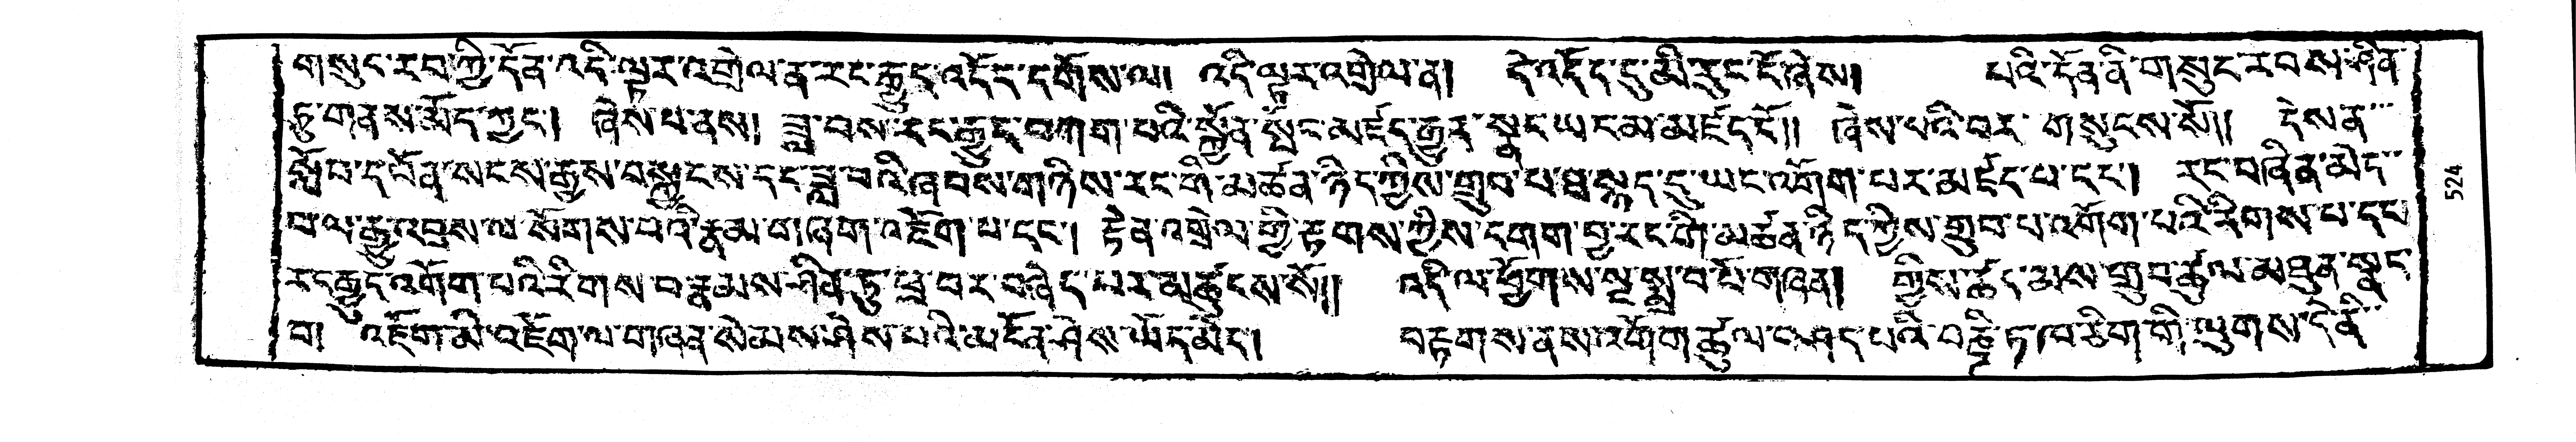གསུང་རབ་ཀྱི་དོན་འདི་ལྟར་འགྲེལ་ན་རང་རྒྱུད་འདོད་དགོས་ལ། འདི་ལྟར་འགྲེལ་ན། དེ་འདོད་དུ་མི་རུང་ངོ་ཞེས། པའི་དོན་ནི་གསུང་རབས་ཤིན་
ཏུ་གནས་མོད་ཀྱང་། ཞེས་པ་ནས། ཟླ་བས་རང་རྒྱུད་བཀག་པའི་སྐྱོན་སྤོང་མཛད་རྒྱུར་སྣང་ཡང་མ་མཛད་དོ། །ཞེས་པའི་བར་གསུངས་སོ། །དེས་ན་
སློབ་དཔོན་སངས་རྒྱས་བསྐྱངས་དང་ཟླ་བའི་ཞབས་གཉིས་རང་གི་མཚན་ཉིད་ཀྱིས་གྲུབ་པ་ཐ་སྙད་དུ་ཡང་འགོག་པར་མཛད་པ་དང་། རང་བཞིན་མེད་
པ་ལ་རྒྱུ་འབྲས་ལ་སོགས་པའི་རྣམ་གཞག་འཇོག་པ་དང་། རྟེན་འགྲེལ་གྱི་རྟགས་ཀྱིས་དགག་བྱ་རང་གི་མཚན་ཉིད་ཀྱིས་གྲུབ་པ་འགོག་པའི་རིགས་པ་དང་།
རང་རྒྱུད་འགོག་པའི་རིགས་པ་རྣམས་ཤིན་ཏུ་ཕྲ་བར་བཞེད་པར་མཚུངས་སོ། །འདི་ལ་ཕྱོགས་སྔ་སྨྲ་བ་པོ་གཞན། གྱིས་ཚད་མས་གྲུབ་ཚུལ་མཐུན་སྣང་
བ། འཇོག་མི་འཇོག་ལ་གཞན་སེམས་ཤེས་པའི་མངོན་ཤེས་ཡོད་མེད། བརྟགས་ནས་འགོག་ཚུལ་བཤད་པའི་པཎྜི་ཏ་ཁ་ཅིག་གི་ལུགས་དེ་ནི་